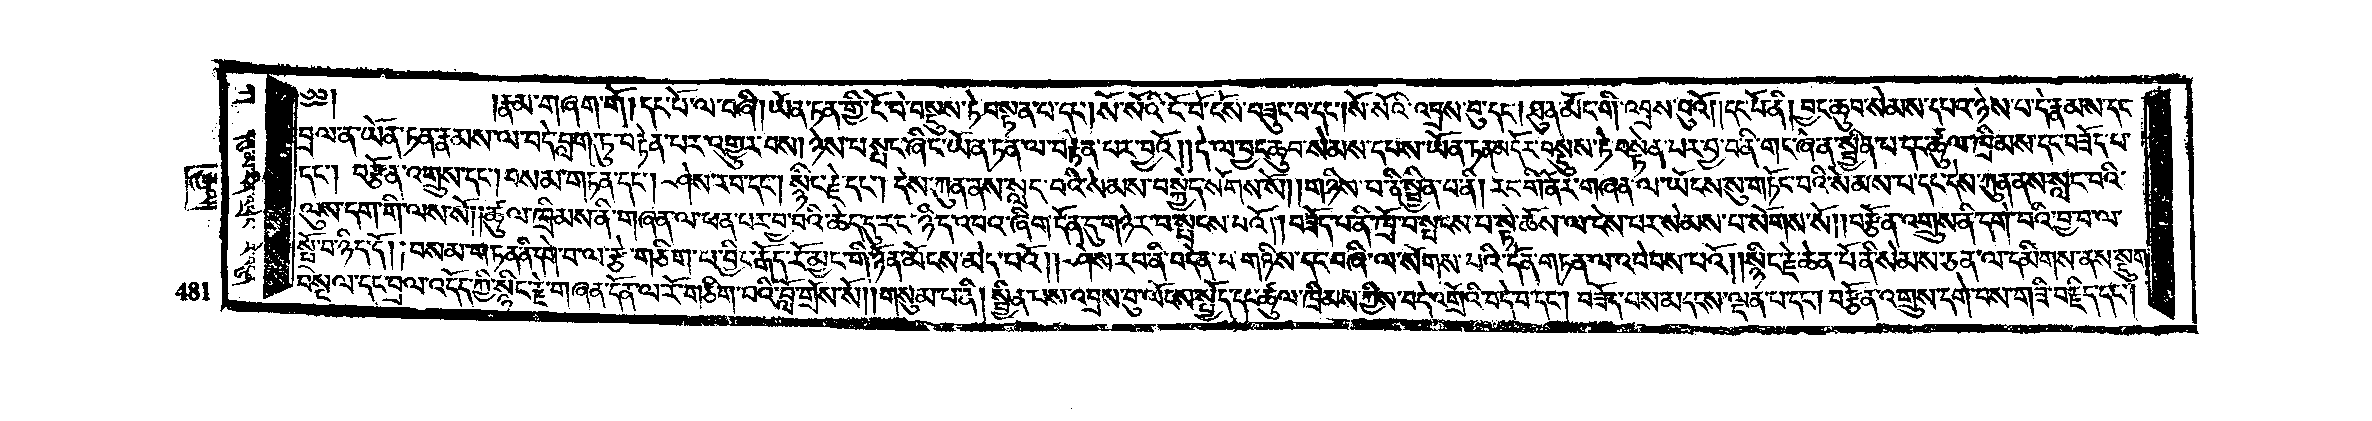༄༅། །རྣམ་གཞག་གོ །དང་པོ་ལ་བཞི། ཡོན་ཏན་གྱི་ངོ་བོ་བསྡུས་ཏེ་བསྟན་པ་དང་། སོ་སོའི་ངོ་བོ་ངོས་བཟུང་བ་དང་། སོ་སོའི་འབྲས་བུ་དང་། ཐུན་མོང་གི་འབྲས་བུའོ། །དང་པོ་ནི། བྱང་ཆུབ་སེམས་དཔའ་ཉེས་པ་དེ་རྣམས་དང་
བྲལ་ན་ཡོན་ཏན་རྣམས་ལ་བདེ་བླག་ཏུ་བརྟེན་པར་འགྱུར་བས། ཉེས་པ་སྤང་ཞིང་ཡོན་ཏན་ལ་བརྟེན་པར་བྱའོ། །དེ་ལ་བྱང་ཆུབ་སེམས་དཔས་ཡོན་ཏན་མདོར་བསྡུས་ཏེ་བསྟེན་པར་བྱ་བ་ནི་གང་ཞེ་ན་སྦྱིན་པ་དང་ཚུལ་ཁྲིམས་དང་བཟོད་པ་
དང་། བརྩོན་འགྲུས་དང་། བསམ་གཏན་དང་། ཤེས་རབ་དང་། སྙིང་རྗེ་དང་། དེས་ཀུན་ནས་སླང་བའི་སེམས་བསྐྱེད་སོགས་སོ། །གཉིས་པ་ནི་སྦྱིན་པ་ནི། རང་གི་ནོར་གཞན་ལ་ཡོངས་སུ་གཏོང་བའི་སེམས་པ་དང་དེས་ཀུན་ནས་སླང་བའི་
ལུས་དག་གི་ལས་སོ། །ཚུལ་ཁྲིམས་ནི་གཞན་ལ་ཕན་པར་བྱ་བའི་ཆེད་དུ་རང་ཉིད་འབའ་ཞིག་དོན་དུ་གཉེར་པ་སྤངས་པའོ། །བཟོད་པ་ནི་ཁྲོ་བ་སྤངས་པ་སྟེ་ཆོས་ལ་ངེས་པར་སེམས་པ་སོགས་སོ། །བརྩོན་འགྲུས་ནི་དགེ་བའི་བྱ་བ་ལ་
སྤྲོ་བ་ཉིད་དོ། །བསམ་གཏན་ནི་དགེ་བ་ལ་རྩེ་གཅིག་པ་བྱིང་རྒོད་རོ་མྱང་གི་ཉོན་མོངས་མེད་པའོ། །ཤེས་རབ་ནི་བདེན་པ་གཉིས་དང་བཞི་ལ་སོགས་པའི་དོན་གཏན་ལ་འབེབས་པའོ། །སྙིང་རྗེ་ཆེན་པོ་ནི་སེམས་ཅན་ལ་དམིགས་ནས་སྡུག་
བསྔལ་དང་བྲལ་འདོད་ཀྱི་སྙིང་རྗེ་གཞན་དོན་ལ་རོ་གཅིག་པའི་བློ་གྲོས་སོ། །གསུམ་པ་ནི། སྦྱིན་པས་འབྲས་བུ་ལོངས་སྤྱོད་དང་ཚུལ་ཁྲིམས་ཀྱིས་བདེ་འགྲོའི་བདེ་བ་དང་། བཟོད་པས་མདངས་ལྡན་པ་དང་། བརྩོན་འགྲུས་དགེ་བས་གཟི་བརྗིད་དང་།